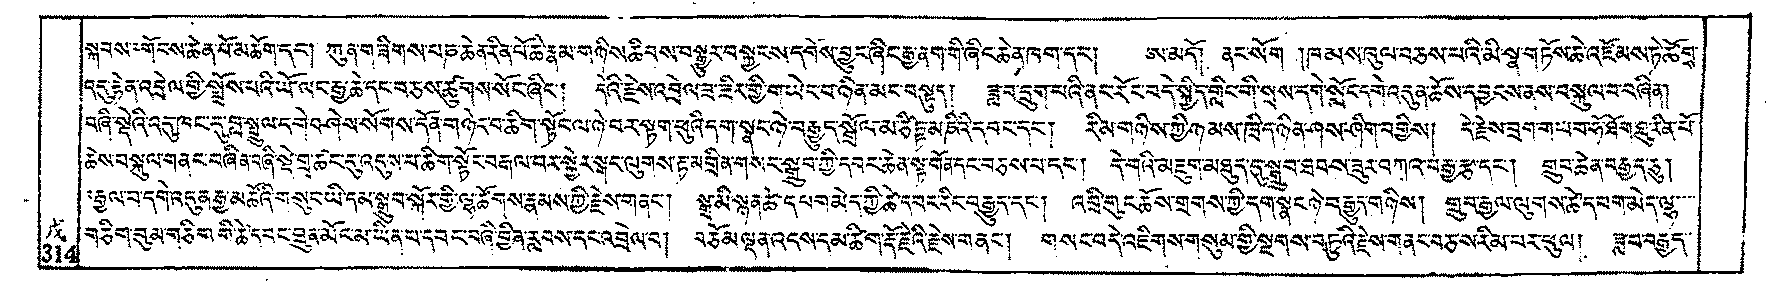སྐབས་༧གོང་ས་ཆེན་པོ་མཆོག་དང་། ཀུན་གཟིགས་པཎ་ཆེན་རིན་པོ་ཆེ་རྣམ་གཉིས་ཆིབས་བསྒྱུར་བསྐྱངས་དགོས་བྱུང་ཞིང་རྒྱ་ནག་གི་ཞིང་ཆེན་ཁག་དང་། ཨ་མདོ། ནང་སོག །ཁམས་ཁུལ་བཅས་པའི་མི་སྣ་གཏོས་ཆེ་འཛོམས་ཏེ་ཚོགས་
འདུ་རྟེན་འབྲེལ་གྱི་སྤྲོས་པའི་ཡོ་ལང་རྒྱ་ཆེ་དང་བཅས་ཚུགས་སོང་ཞིང་། དེའི་རྗེས་འབྲེལ་ཟ་ཟིར་གྱི་གཡེང་བ་ཉིན་མང་བསྟུད། ཟླ་བ་དྲུག་པའི་ནང་རོང་བདེ་སྐྱིད་གླིང་གི་སྲས་དགེ་སློང་དགེ་འདུན་ཆོས་དབྱངས་ནས་བསྐུལ་བ་བཞིན།
བཞི་སྡེའི་འདུ་ཁང་དུ་བླ་སྤྲུལ་དགེ་བཤེས་སོགས་དོན་གཉེར་བ་ཆིག་སྟོང་ལ་ཉེ་བར་སྟག་ཕུའི་དག་སྣང་ཉེ་བརྒྱུད་སྒྲོལ་མ་ཙིཏྟ་མ་ཎིའི་དབང་དང་། རིམ་གཉིས་ཀྱི་ཉམས་ཁྲིད་ཉིན་ཤས་ཤིག་བགྱིས། དེ་རྗེས་བྲག་གཡབ་ཧོ་ཐོག་ཐུ་རིན་པོ་
ཆེས་བསྐུལ་གནང་བཞིན་བཞི་སྡེ་གྲྭ་ཚང་དུ་འདུས་པ་ཆིག་སྟོང་བརྒལ་བར་སྐྱེར་སྒང་ལུགས་རྟ་མགྲིན་གསང་སྒྲུབ་ཀྱི་དབང་ཆེན་སྟ་གོན་དང་བཅས་པ་དང་། དེ་གའི་མཇུག་མཐུད་དུ་སྒྲུབ་ཐབས་ཟུར་བཀའ་བརྒྱ་རྩ་དང་། གྲུབ་ཆེན་བརྒྱད་ཅུ།
༧རྒྱལ་བ་དགེ་འདུན་རྒྱ་མཚོའི་གསུང་ཡི་དམ་སྒྲུབ་སྐོར་གྱི་ལྷ་ཚོགས་རྣམས་ཀྱི་རྗེས་གནང་། སྒྲ་མི་སྙན་ཚེ་དཔག་མེད་ཀྱི་ཚེ་དབང་རིང་བརྒྱུད་དང་། འབྲི་གུང་ཆོས་གྲགས་ཀྱི་དག་སྣང་ཉེ་བརྒྱུད་གཉིས། གྲུབ་རྒྱལ་ལུགས་ཚེ་དཔག་མེད་ལྷ་
གཅིག་བུམ་གཅིག་གི་ཚེ་དབང་ཐུན་མོང་མ་ཡིན་པ་དབང་བཞི་བྱིན་རླབས་དང་འབྲེལ་བ། བཅོམ་ལྡན་འདས་དམ་ཚིག་རྡོ་རྗེའི་རྗེས་གནང་། གསང་བདེ་འཇིགས་གསུམ་གྱི་སྔགས་བཏུའི་རྗེས་གནང་བཅས་རིམ་པར་ཕུལ། ཟླ་བ་བརྒྱད་